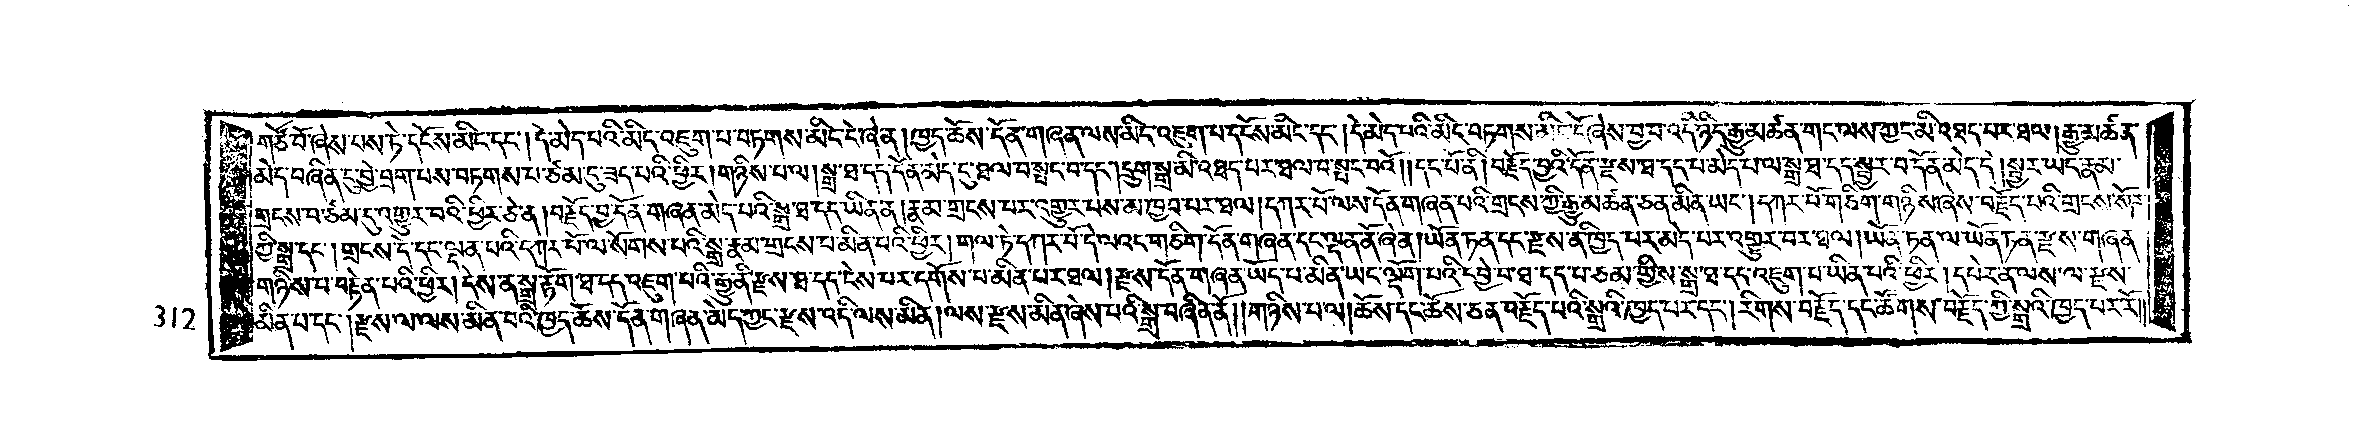གཙོ་བོ་ཞེས་པས་ཏེ་དངོས་མིང་དང་། དེ་མེད་པའི་མིང་འཇུག་པ་བཏགས་མིང་ངེ་ཞེ་ན། ཁྱད་ཆོས་དོན་གཞན་ལས་མིང་འཇུག་པ་དངོས་མིང་དང་། དེ་མེད་པའི་མིང་བཏགས་མིང་ངོ་ཞེས་བྱ་བ་འདི་ཉིད་རྒྱུ་མཚན་གང་ལས་ཀྱང་མི་འཐད་པར་ཐལ། རྒྱུ་མཚན་
མེད་བཞིན་དུ་བྱེ་བྲག་པས་བཏགས་པ་ཙམ་དུ་ཟད་པའི་ཕྱིར། གཉིས་པ་ལ། སྒྲ་ཐ་དད་དོན་མེད་དུ་ཐལ་བ་སྤང་བ་དང་། དྲུག་སྒྲ་མི་འཐད་པར་ཐལ་བ་སྤང་བའོ། །དང་པོ་ནི། བརྗོད་བྱའི་དོན་རྫས་ཐ་དད་པ་མེད་པ་ལ་སྒྲ་ཐ་དད་སྦྱར་བ་དོན་མེད་དེ། སྦྱར་ཡང་རྣམ་
གྲངས་པ་ཙམ་དུ་འགྱུར་བའི་ཕྱིར་ཅེ་ན། བརྗོད་བྱ་དོན་གཞན་མེད་པའི་སྒྲ་ཐ་དད་ཡིན་ན། རྣམ་གྲངས་པར་འགྱུར་བས་མ་ཁྱབ་པར་ཐལ། དཀར་པོ་ལས་དོན་གཞན་པའི་གྲངས་ཀྱི་རྒྱུ་མཚན་ཅན་མིན་ཡང་། དཀར་པོ་གཅིག་གཉིས་ཞེས་བརྗོད་པའི་གྲངས་སོཌ་
ཀྱི་སྒྲ་དང་། གྲངས་དེ་དང་ལྡན་པའི་དཀར་པོ་ལ་སོགས་པའི་སྒྲ་རྣམ་གྲངས་པ་མིན་པའི་ཕྱིར། གལ་ཏེ་དཀར་པོ་དེའང་གཅིག་དོན་གཞན་དང་ལྡན་ནོ་ཞེ་ན། ཡོན་ཏན་དང་རྫས་ནི་ཁྱད་པར་མེད་པར་འགྱུར་བར་ཐལ། ཡོན་ཏན་ལ་ཡོན་ཏན་རྫས་གཞན་
གཉིས་པ་བརྟེན་པའི་ཕྱིར། དེས་ན་སྒྲ་རྟོག་ཐ་དད་འཇུག་པའི་རྒྱུ་ནི་རྫས་ཐ་དད་ངེས་པར་དགོས་པ་མིན་པར་ཐལ། རྫས་དོན་གཞན་ཡོད་པ་མིན་ཡང་ལྡོག་པའི་དབྱེ་བ་ཐ་དད་པ་ཙམ་གྱིས་སྒྲ་ཐ་དད་འཇུག་པ་ཡིན་པའི་ཕྱིར། དཔེར་ན་ལས་ལ་རྫས་
མིན་པ་དང་། རྫས་ལ་ལས་མིན་པའི་ཁྱད་ཆོས་དོན་གཞན་མེད་ཀྱང་རྫས་འདི་ལས་མིན། ལས་རྫས་མིན་ཞེས་པའི་སྒྲ་བཞིན་ནོ། །གཉིས་པ་ལ། ཆོས་དང་ཆོས་ཅན་བརྗོད་པའི་སྒྲའི་ཁྱད་པར་དང་། རིགས་བརྗོད་ཀྱི་སྒྲའི་ཁྱད་པར་རོ། །